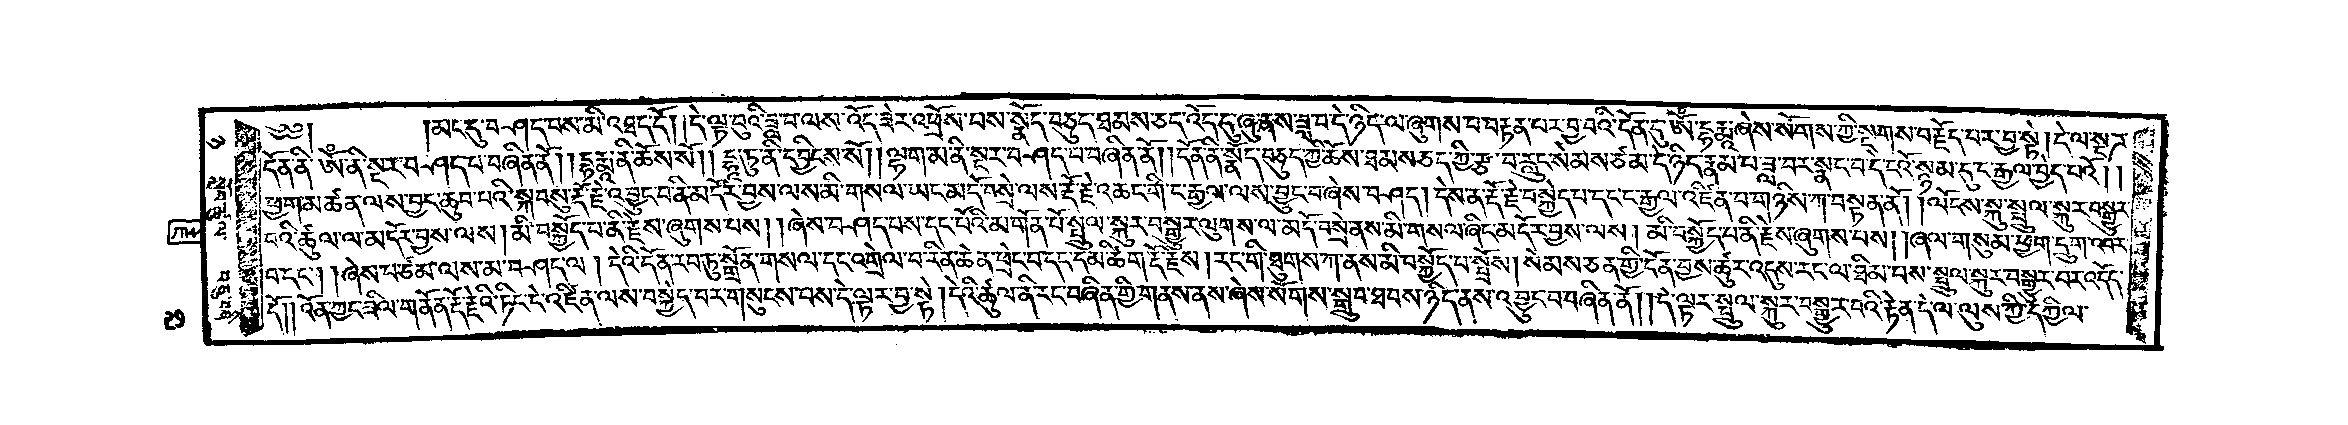༄༅། །མང་དུ་བཤད་པས་མི་འཐད་དོ། །དེ་ལྟ་བུའི་ཟླ་བ་ལས་འོད་ཟེར་འཕྲོས་པས་སྣོད་བཅུད་ཐམས་ཅད་འོད་དུ་ཞུ་ནས་ཟླ་བ་དེ་ཉིད་ལ་ཞུགས་པ་བརྟན་པར་བྱ་བའི་དོན་དུ་ཨོཾ་དྷ་རྨཱ་ཞེས་སོགས་ཀྱི་སྔགས་བརྗོད་པར་བྱ་སྟེ། དེ་ལ་སྔགས་
དོན་ནི་ཨོཾ་ནི་སྔར་བཤད་པ་བཞིན་ནོ། །དྷ་རྨཱ་ནི་ཆོས་སོ། །དྷཱ་ཏུ་ནི་དབྱིངས་སོ། །ལྷག་མ་ནི་སྔར་བཤད་པ་བཞིན་ནོ། །དོན་ནི་སྣོད་བཅུད་ཀྱི་ཆོས་ཐམས་ཅད་ཀྱི་རྩ་བ་རླུང་སེམས་ཙམ་དེ་ཉིད་རྣམ་པ་ཟླ་བར་སྣང་བ་དེ་ངའོ་སྙམ་དུ་ང་རྒྱལ་བྱེད་པའོ། །
ཕྱག་མཚན་ལས་བྱང་ཆུབ་པའི་སྐབས་སུ་རྡོ་རྗེ་འབྱུང་བ་ནི་མདོར་བྱས་ལས་མི་གསལ་ཡང་མདོ་བསྲེ་ལས་རྡོ་རྗེ་འཆང་གི་ང་རྒྱལ་ལས་བྱུང་བ་ཞེས་བཤད། དེས་ན་རྡོ་རྗེ་བསྐྱེད་པ་དང་ང་རྒྱལ་འཛིན་པ་གཉིས་ཀ་བསྟན་ནོ། །ལོངས་སྐུ་སྤྲུལ་སྐུར་བསྒྱུར་
བའི་ཚུལ་ལ་མདོར་བྱས་ལས། མི་བསྐྱོད་པ་ནི་རྗེས་ཞུགས་པས། །ཞེས་བཤད་པས་དང་པོའི་མགོན་པོ་སྤྲུལ་སྐུར་བསྒྱུར་ལུགས་ལ་མདོ་བསྲེ་ནས་མི་གསལ་ཞིང་མདོར་བྱས་ལས། མི་བསྐྱོད་པ་ནི་རྗེས་ཞུགས་པས། །ཞལ་གསུམ་ཕྱག་དྲུག་འབར་
བ་དང་། །ཞེས་པ་ཙམ་ལས་མ་བཤད་ལ། དེའི་དོན་རབ་ཏུ་སྒྲོན་གསལ་དང་འགྲེལ་པ་རིན་ཆེན་ཕྲེང་བ་དང་དམ་ཚིག་རྡོ་རྗེས། རང་གི་ཐུགས་ཀ་ནས་མི་བསྐྱོད་པ་སྤྲོས། སེམས་ཅན་གྱི་དོན་བྱས་ཚུར་འདུས་རང་ལ་ཐིམ་པས་སྤྲུལ་སྐུར་བསྒྱུར་བར་འདོད་
དོ། །འོན་ཀྱང་ཟིལ་གནོན་རྡོ་རྗེའི་ཏིང་ངེ་འཛིན་ལས་བསྐྱེད་པར་གསུངས་པས་དེ་ལྟར་བྱ་སྟེ། དེའི་ཚུལ་ནི་རང་བཞིན་གྱི་གནས་ནས་ཞེས་སོགས་སྒྲུབ་ཐབས་ཉིད་ནས་འབྱུང་བ་བཞིན་ནོ། །དེ་ལྟར་སྤྲུལ་སྐུར་བསྒྱུར་བའི་རྟེན་དེ་ལ་ལུས་ཀྱི་དཀྱིལ་